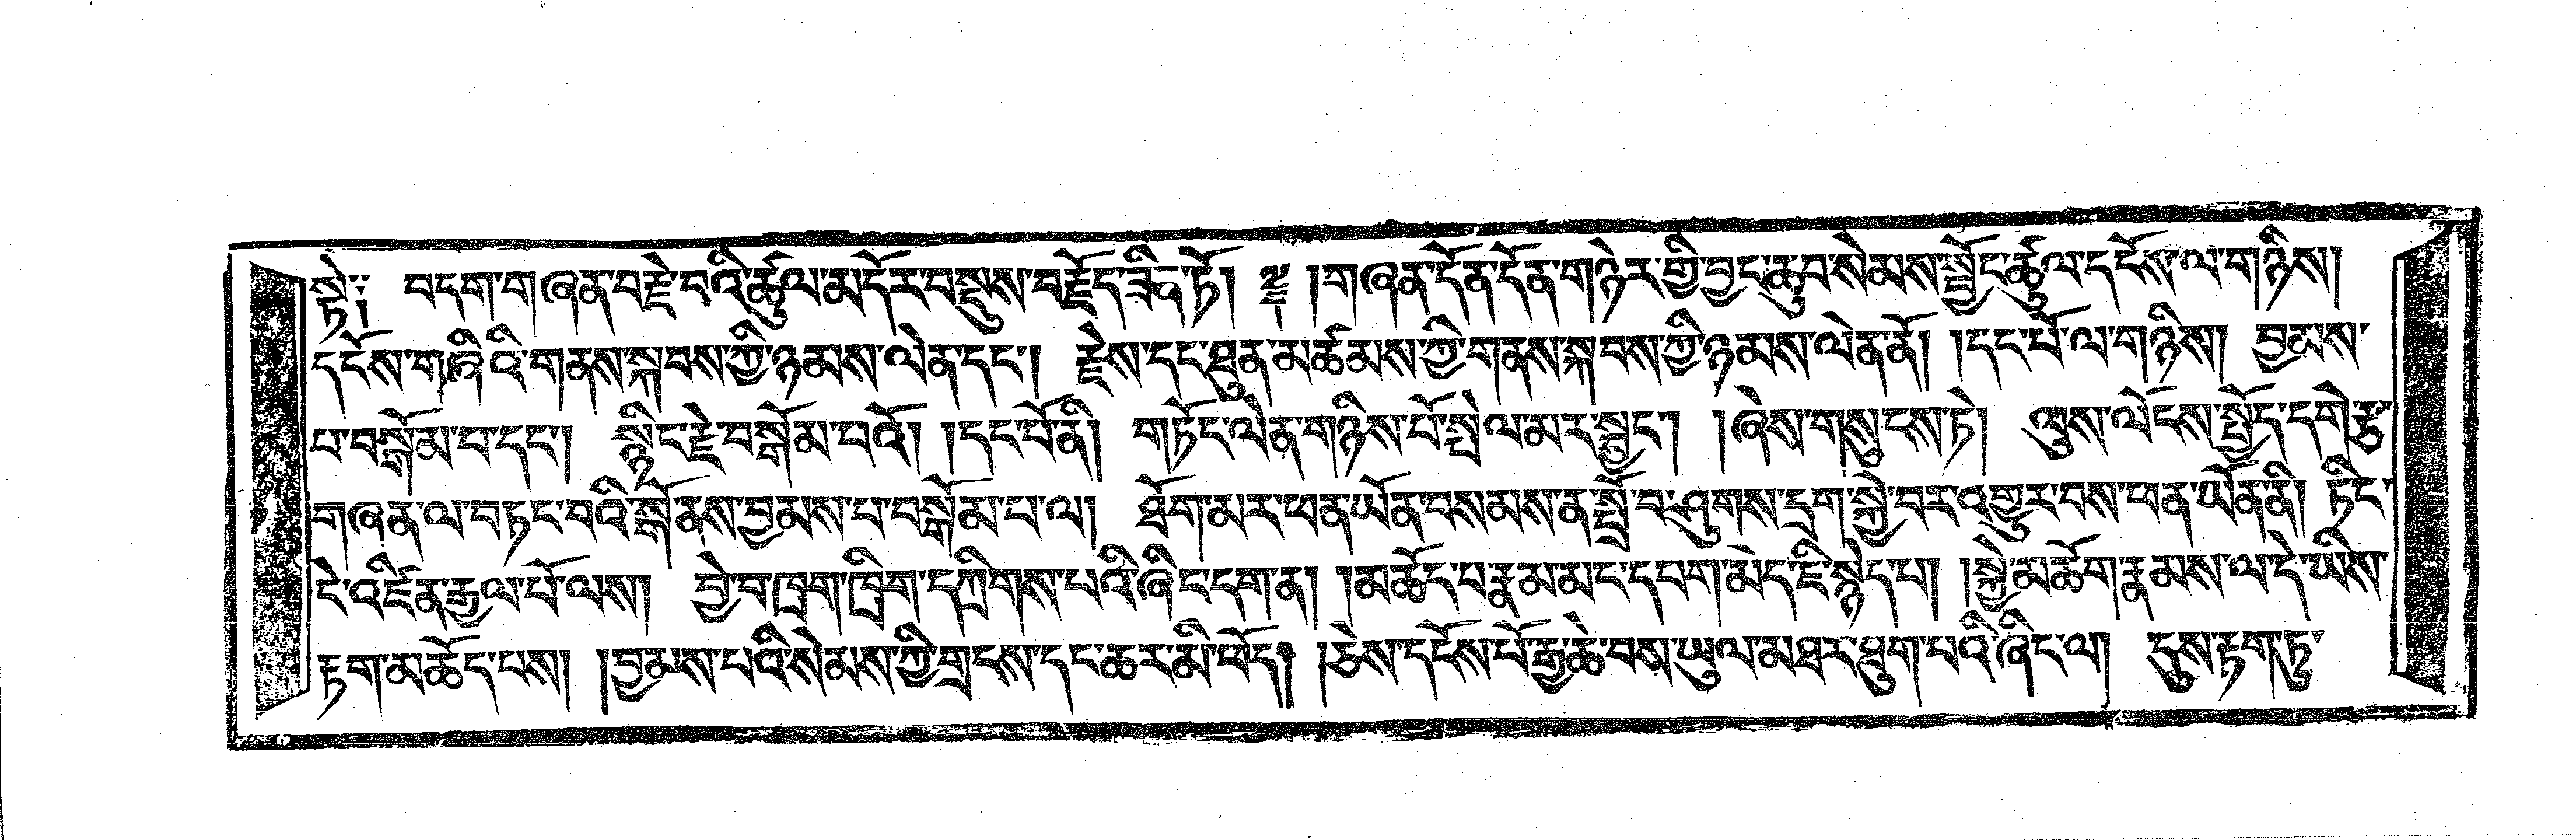སྟེ༑ བདག་གཞན་བརྗེ་བའི་ཚུལ་མདོར་བསྡུས་བརྗོད་ཟིན་ཏོ། ༈ །གཞན་དོན་དོན་གཉེར་གྱི་བྱང་ཆུབ་སེམས་སྦྱོང་ཚུལ་དངོས་ལ་གཉིས།
དངོས་གཞིའི་གནས་སྐབས་ཀྱི་ཉམས་ལེན་དང་། རྗེས་དང་ཐུན་མཚམས་ཀྱི་གནས་སྐབས་ཀྱི་ཉམས་ལེན་ནོ། །དང་པོ་ལ་གཉིས། བྱམས་
པ་བསྒོམ་པ་དང་། སྙིང་རྗེ་བསྒོམ་པའོ། །དང་པོ་ནི། གཏོང་ལེན་གཉིས་པོ་སྤེལ་མར་སྦྱང་། །ཞེས་གསུངས་ཏེ། ལུས་ལོངས་སྤྱོད་དགེ་རྩ་
གཞན་ལ་བཏང་བའི་སྒོ་ནས་བྱམས་པ་བསྒོམ་པ་ལ། ཐོག་མར་ཕན་ཡོན་བསམས་ན་སྤྲོ་བ་ཤུགས་དྲག་སྐྱེ་བར་འགྱུར་བས་ཕན་ཡོན་ནི། ཏིང་
ངེ་འཛིན་རྒྱལ་པོ་ལས། བྱེ་བ་ཁྲག་ཁྲིག་དཀྲིགས་པའི་ཞིང་དག་ན། །མཆོད་པ་རྣམ་མང་དཔག་མེད་ཇི་སྙེད་པ། །སྐྱེ་མཆོག་རྣམས་ལ་དེ་ཡིས་
རྟག་མཆོད་པས། །བྱམས་པའི་སེམས་ཀྱི་གྲངས་དང་ཆར་མི་ཕོད། །ཅེས་དངོས་པོ་རྒྱ་ཆེ་བས་ཡུལ་མཐར་ཐུག་པའི་ཞིང་ལ། དུས་རྟག་ཏུ་